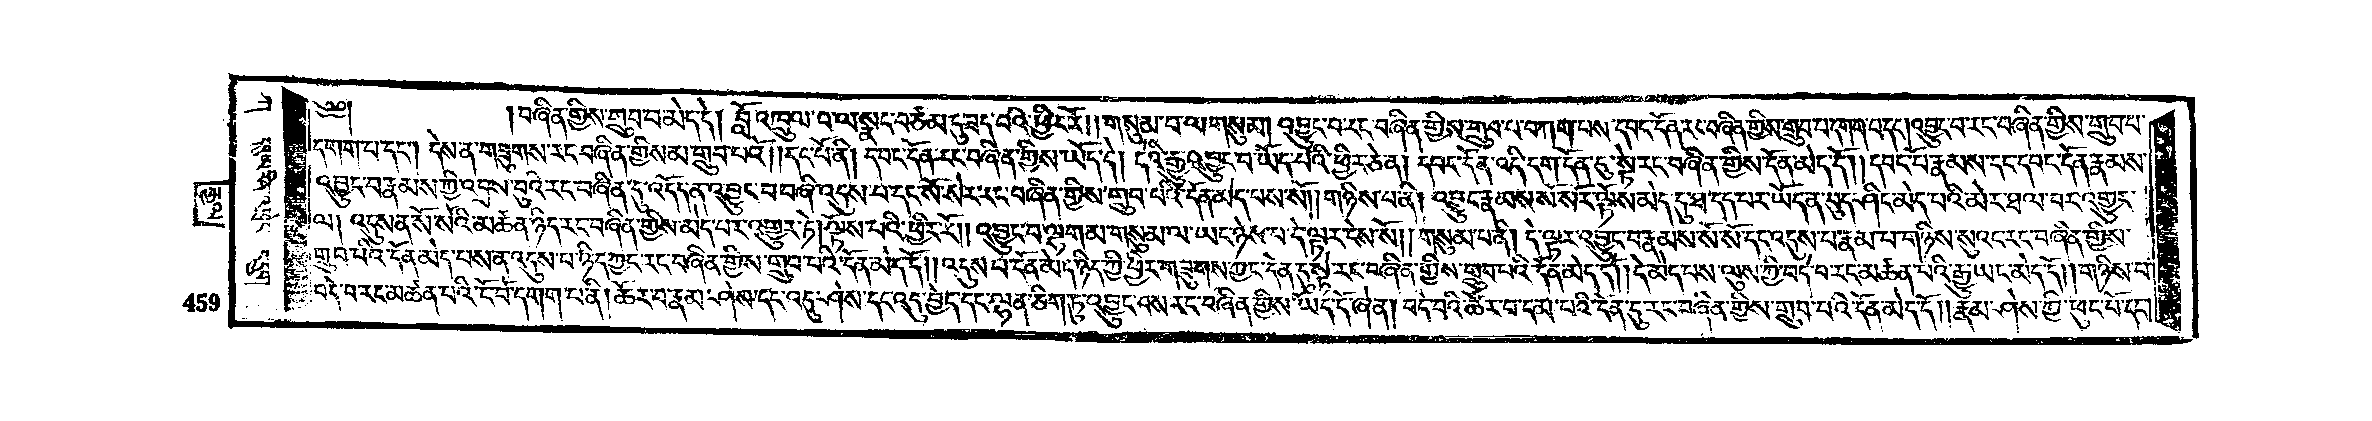༄༅། །བཞིན་གྱིས་གྲུབ་པ་མེད་དེ། བློ་འཁྲུལ་བ་ལ་སྣང་བ་ཙམ་དུ་ཟད་པའི་ཕྱིར་རོ། །གསུམ་པ་ལ་གསུམ། འབྱུང་བ་རང་བཞིན་གྱིས་གྲུབ་པ་བཀག་པས་དབང་དོན་རང་བཞིན་གྱིས་གྲུབ་པ་དགག་པ་དང་། འབྱུང་བ་རང་བཞིན་གྱིས་གྲུབ་པ་
དགག་པ་དང་། དེས་ན་གཟུགས་རང་བཞིན་གྱིས་མ་གྲུབ་པའོ། །དང་པོ་ནི། དབང་དོན་རང་བཞིན་གྱིས་ཡོད་དེ། དེའི་རྒྱུ་འབྱུང་བ་ཡོད་པའི་ཕྱིར་ཅེ་ན། དབང་དོན་འདི་དག་དོན་དུ་སྟེ་རང་བཞིན་གྱིས་དོན་མེད་དོ། །དབང་པོ་རྣམས་དང་དབང་དོན་རྣམས་
འབྱུང་བ་རྣམས་ཀྱི་འབྲས་བུའི་རང་བཞིན་དུ་འདོད་ན་འབྱུང་བ་བཞི་འདུས་པ་དང་སོ་སོར་རང་བཞིན་གྱིས་གྲུབ་པའི་དོན་མེད་པས་སོ། །གཉིས་པ་ནི། འབྱུང་རྣམས་སོ་སོར་ལྟོས་མེད་དུ་ཐ་དད་པར་ཡོད་ན་བུད་ཤིང་མེད་པའི་མེར་ཐལ་བར་འགྱུར་
ལ། འདུས་ན་སོ་སོའི་མཚན་ཉིད་རང་བཞིན་གྱིས་མེད་པར་འགྱུར་ཏེ། ལྟོས་པའི་ཕྱིར་རོ། །འབྱུང་བ་ལྷག་མ་གསུམ་ལ་ཡང་ཉེས་པ་དེ་ལྟར་ངེས་སོ། །གསུམ་པ་ནི། དེ་ལྟར་འབྱུང་བ་རྣམས་སོ་སོ་དང་འདུས་པ་རྣམ་པ་གཉིས་སུའང་རང་བཞིན་གྱིས་
གྲུབ་པའི་དོན་མེད་པས་ན་འདུས་པ་ཉིད་ཀྱང་རང་བཞིན་གྱིས་གྲུབ་པའི་དོན་མེད་དོ། །འདུས་པ་དོན་མེད་ཉིད་ཀྱི་ཕྱིར་གཟུགས་ཀྱང་དོན་དུ་སྟེ་རང་བཞིན་གྱིས་གྲུབ་པའི་དོན་མེད་དོ། །དེ་མེད་པས་ལུས་ཀྱི་བདེ་བ་རང་མཚན་པའི་རྒྱུ་ཡང་མེད་དོ། །གཉིས་པ་
བདེ་བ་རང་མཚན་པའི་ངོ་བོ་དགག་པ་ནི། ཚོར་བ་རྣམ་ཤེས་དང་འདུ་ཤེས་དང་འདུ་བྱེད་དང་ལྷན་ཅིག་ཏུ་འབྱུང་བས་རང་བཞིན་གྱིས་ཡོད་དོ་ཞེ་ན། བདེ་བའི་ཚོར་བ་དམ་པའི་དོན་དུ་རང་བཞིན་གྱིས་གྲུབ་པའི་དོན་མེད་དོ། །རྣམ་ཤེས་ཀྱི་ཕུང་པོ་དང་།